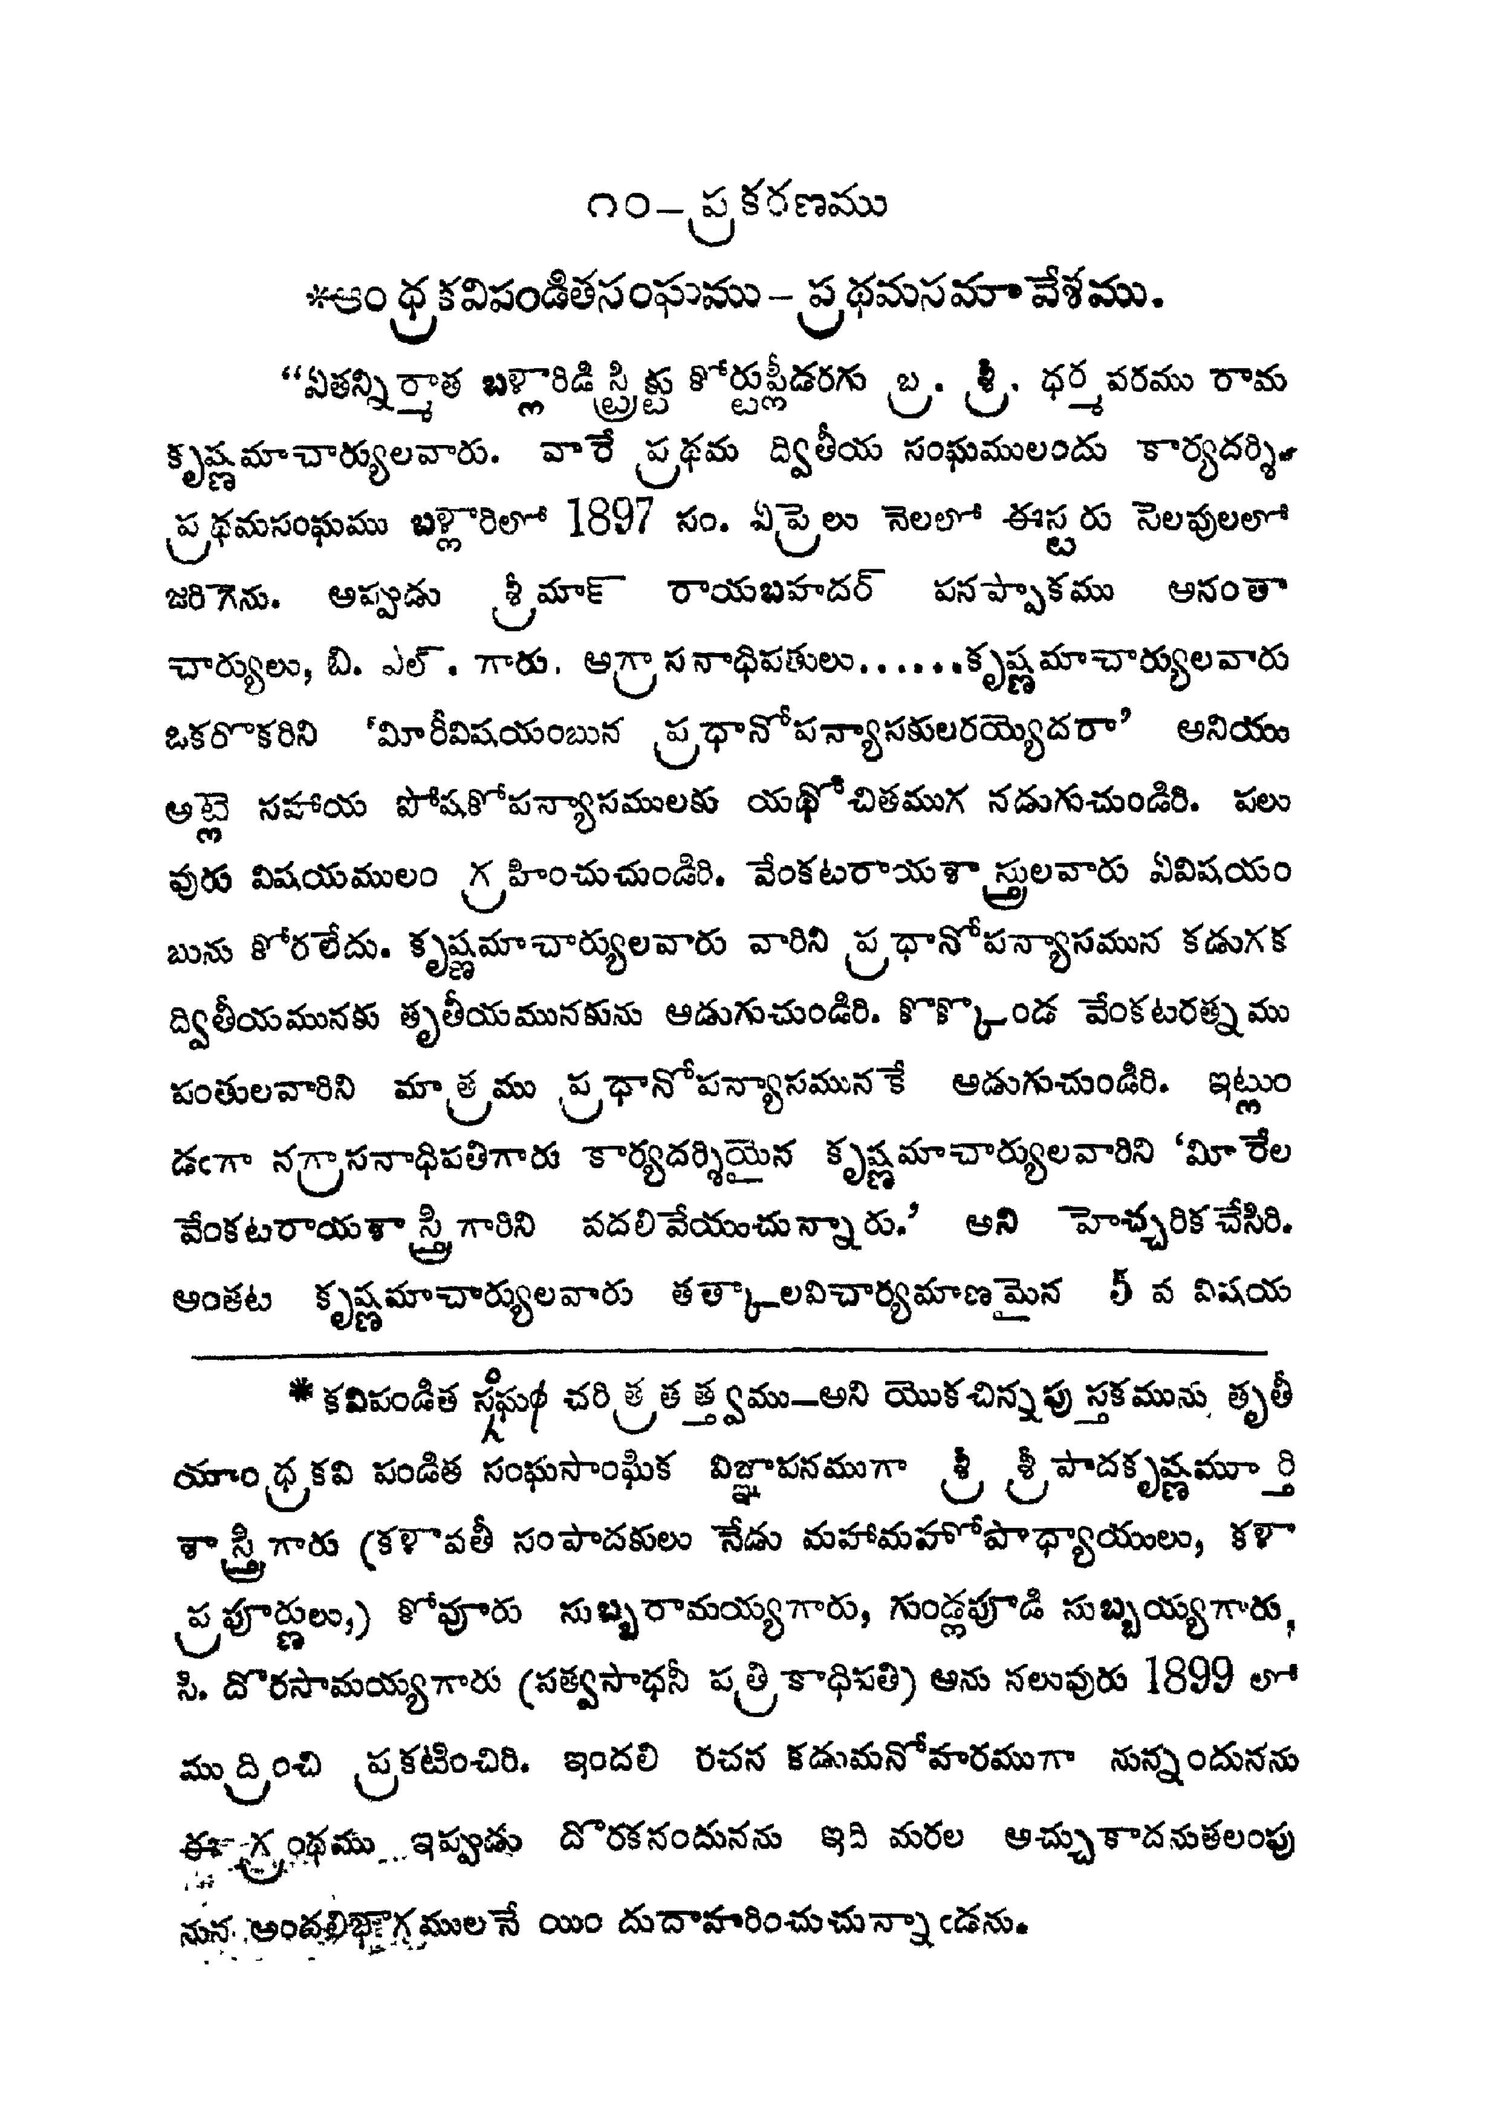"ఏతన్నిర్మాత బళ్లారిడిస్ట్రిక్టు కోర్టుప్లీడరగు బ్ర.శ్రీ. ధర్మవరము రామకృష్ణమాచార్యులవారు. వారే ప్రథమ ద్వితీయ సంఘములందు కార్యదర్శి" ప్రథమసంఘము బళ్లారిలో 1897 సం. ఏప్రెలు నెలలో ఈస్టరు సెలవులలో జరిగెను. అప్పుడు శ్రీమాన్ రాయబహదర్ పనప్పాకము అనంతాచార్యులు, బి.ఎల్. గారు. అగ్రాసనాధిపతులు....... కృష్ణమాచార్యులవారు ఒకరొకరిని 'మీరీవిషయంబున ప్రధానోపన్యాసకులరయ్యెదరా' అనియు అట్లె సహాయ పోషకోపన్యాసములకు యథోచితముగ నడుగుచుండిరి. పలువురు విషయములం గ్రహించుచుండిరి. వేంకటరాయశాస్త్రులవారు ఏవిషయంబును కోరలేదు. కృష్ణమాచార్యులవారు వారిని ప్రధానోపన్యాసమున కడుగక ద్వితీయమునకు తృతీయమునకును అడుగుచుండిరి. కొక్కొండ వేంకటరత్నము పంతులవారిని మాత్రము ప్రధానోపన్యాసమునకే అడుగుచుండిరి. ఇట్లుండగా నగ్రాసనాధిపతిగారు కార్యదర్శియైన కృష్ణమాచార్యులవారిని 'మీరేల వేంకటరాయశాస్త్రిగారిని వదలివేయుచున్నారు.' అని హెచ్చరికచేసిరి. అంతట కృష్ణమాచార్యులవారు తత్కాలవిచార్యమాణమైన 5 వ విషయ